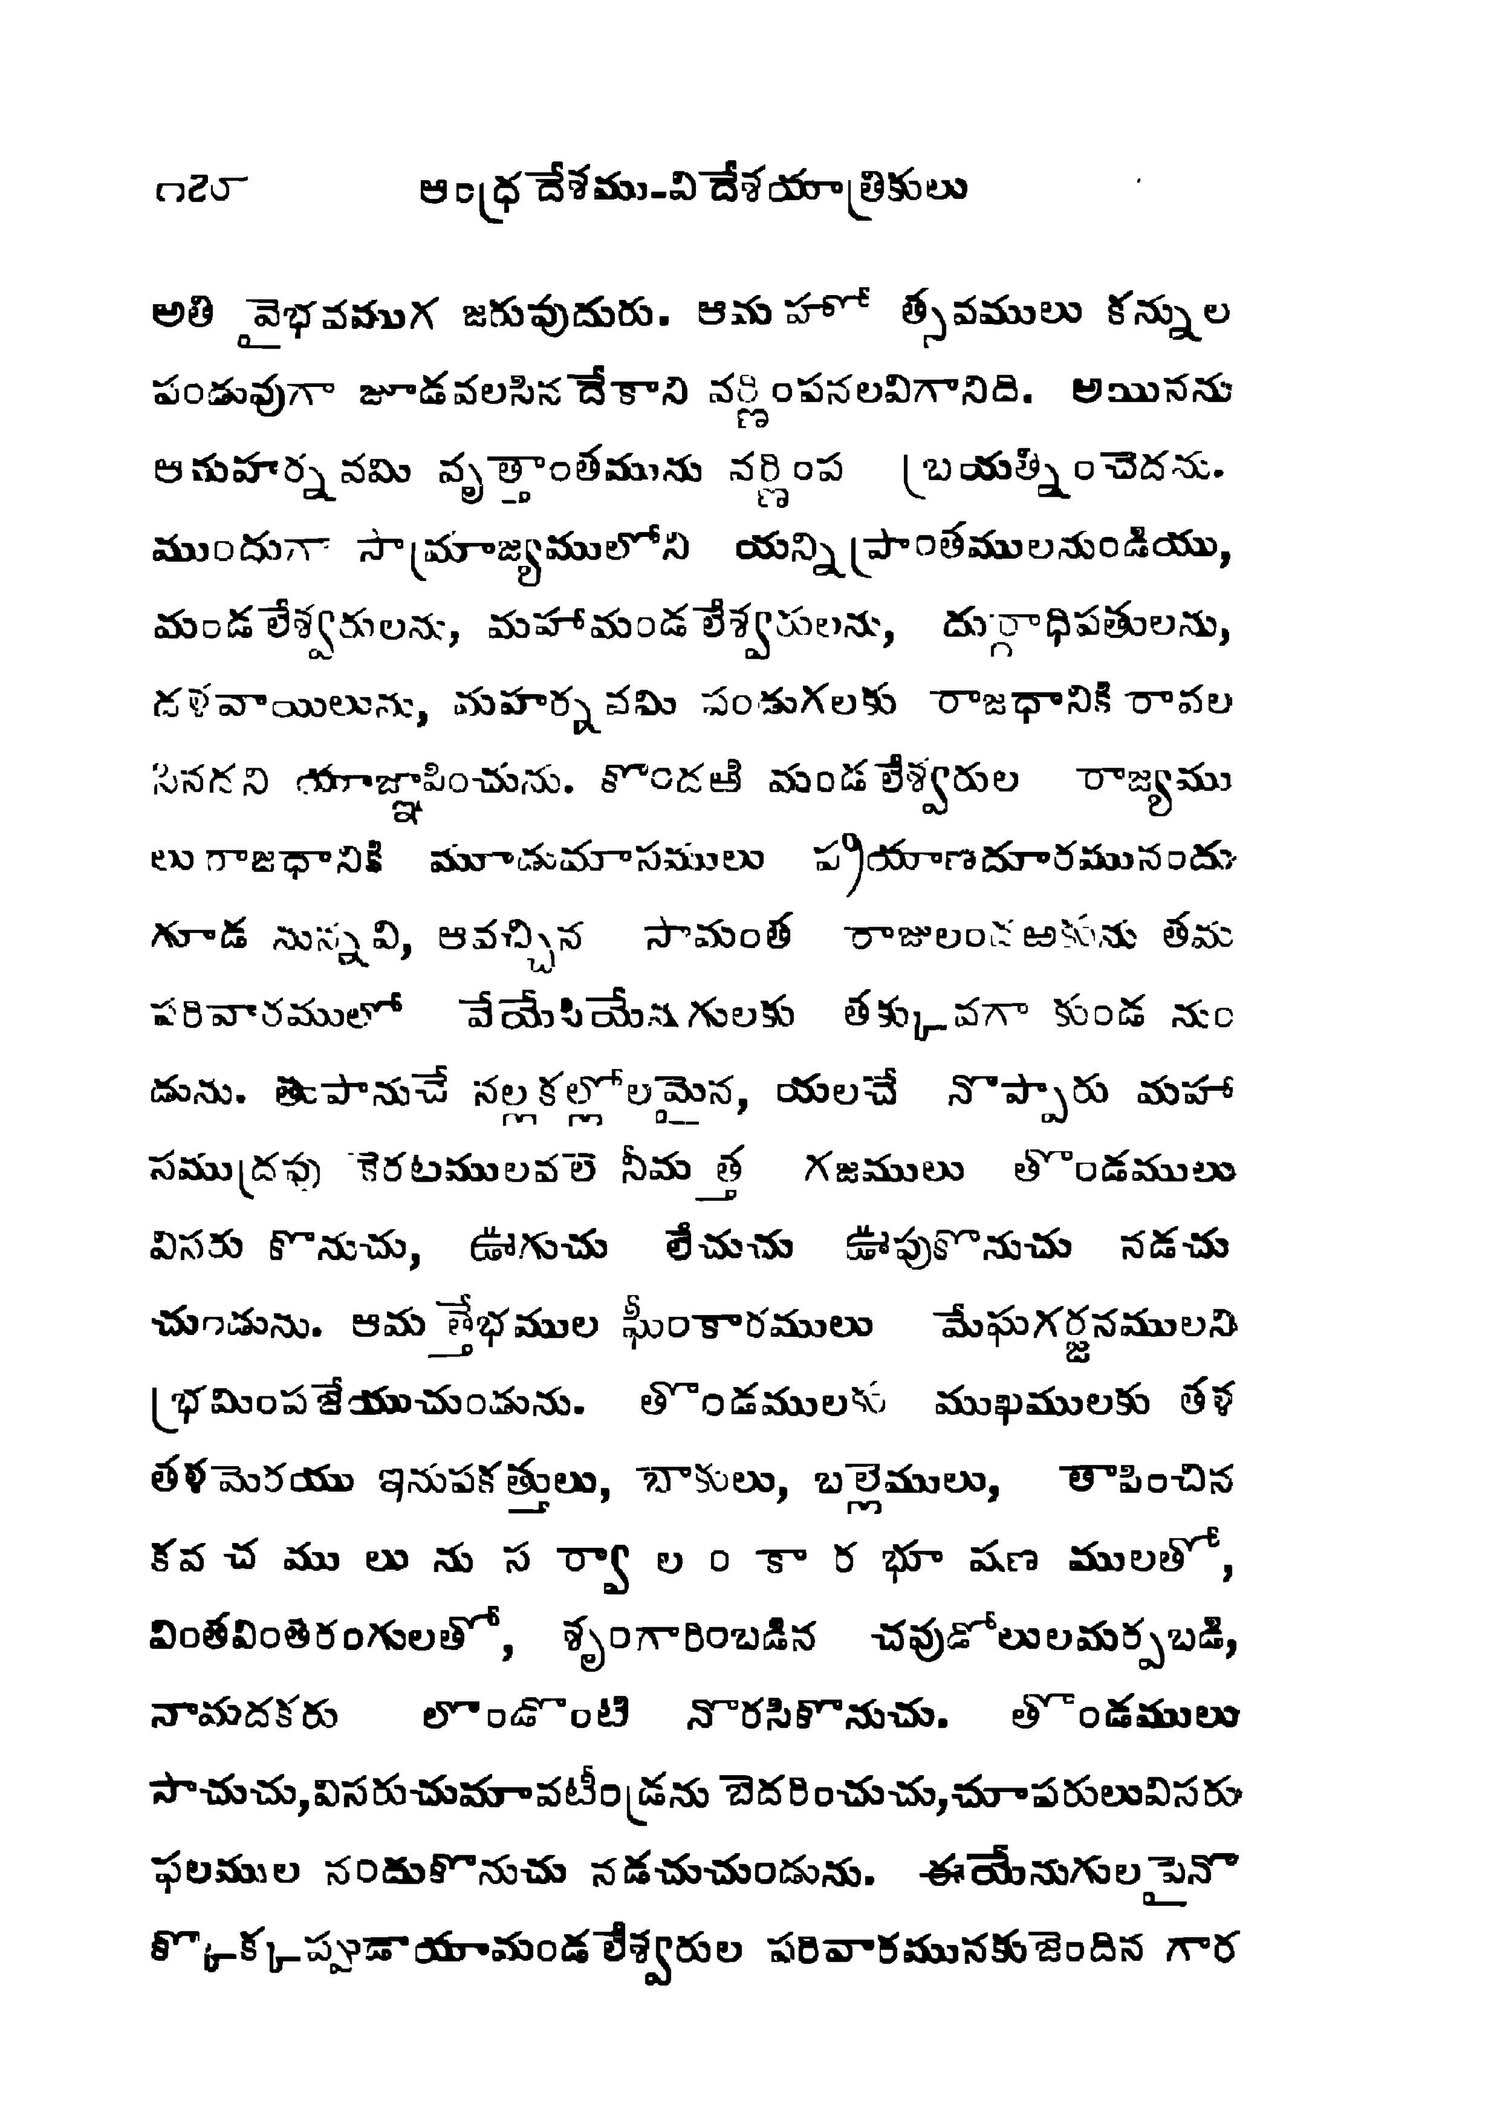అతి వైభవముగ జరుపుదురు. ఆమహోత్సవములు కన్నుల పండువుగా జూడవలసినదేకాని వర్ణింపనలవిగానిది. అయినను ఆమహర్నవమి వృత్తాంతమును వర్ణింప బ్రయత్నించెదను. ముందుగా సామ్రాజ్యములోని యన్నిప్రాంతముల నుండియు, మండలేశ్వరులను, మహామండలేశ్వరులను, దుర్గాధిపతులను, దళవాయిలును, మహర్నవమి పండుగలకు రాజధానికి రావలసినదని యాజ్ఞాపించును. కొందఱి మండలేశ్వరుల రాజ్యములు రాజధానికి మూడుమాసములు ప్రయాణదూరమునందు గూడ నున్నవి, ఆవచ్చిన సామంత రాజులందఱకును తమ పరివారములో వేయేసియేనుగులకు తక్కువగా కుండ నుండును. తుపానుచే నల్లకల్లోలమైన, యలలచే నొప్పారు మహాసముద్రపు కెరటములవలె నీమత్త గజముల తొండములు విసరు కొనుచు, ఊగుచు లేచుచు ఊపుకొనుచు నడచుచుండును. ఆమత్తేభముల ఘీంకారములు మేఘగర్జనములని భ్రమింప జేయుచుండును. తొండములకు ముఖములకు తళతళమెరయు ఇనుపకత్తులు, బాకులు, బల్లెములు, తాపించిన కవచములును సర్వాలంకారభూషణములతో, వింతవింతరంగులతో, శృంగారింపబడిన చవుడోలులమర్పబడి, నామదకరు లొండొంటి నొరసికొనుచు, తొండములు సాచుచు, విసరుచు మావటీండ్రను బెదరించుచు, చూపరులు విసరుఫలముల నందుకొనుచు నడచుచుండును. ఈయేనుగులపై నొక్కొక్కప్పుడామండలేశ్వరుల పరివారమునకుజెందిన గార